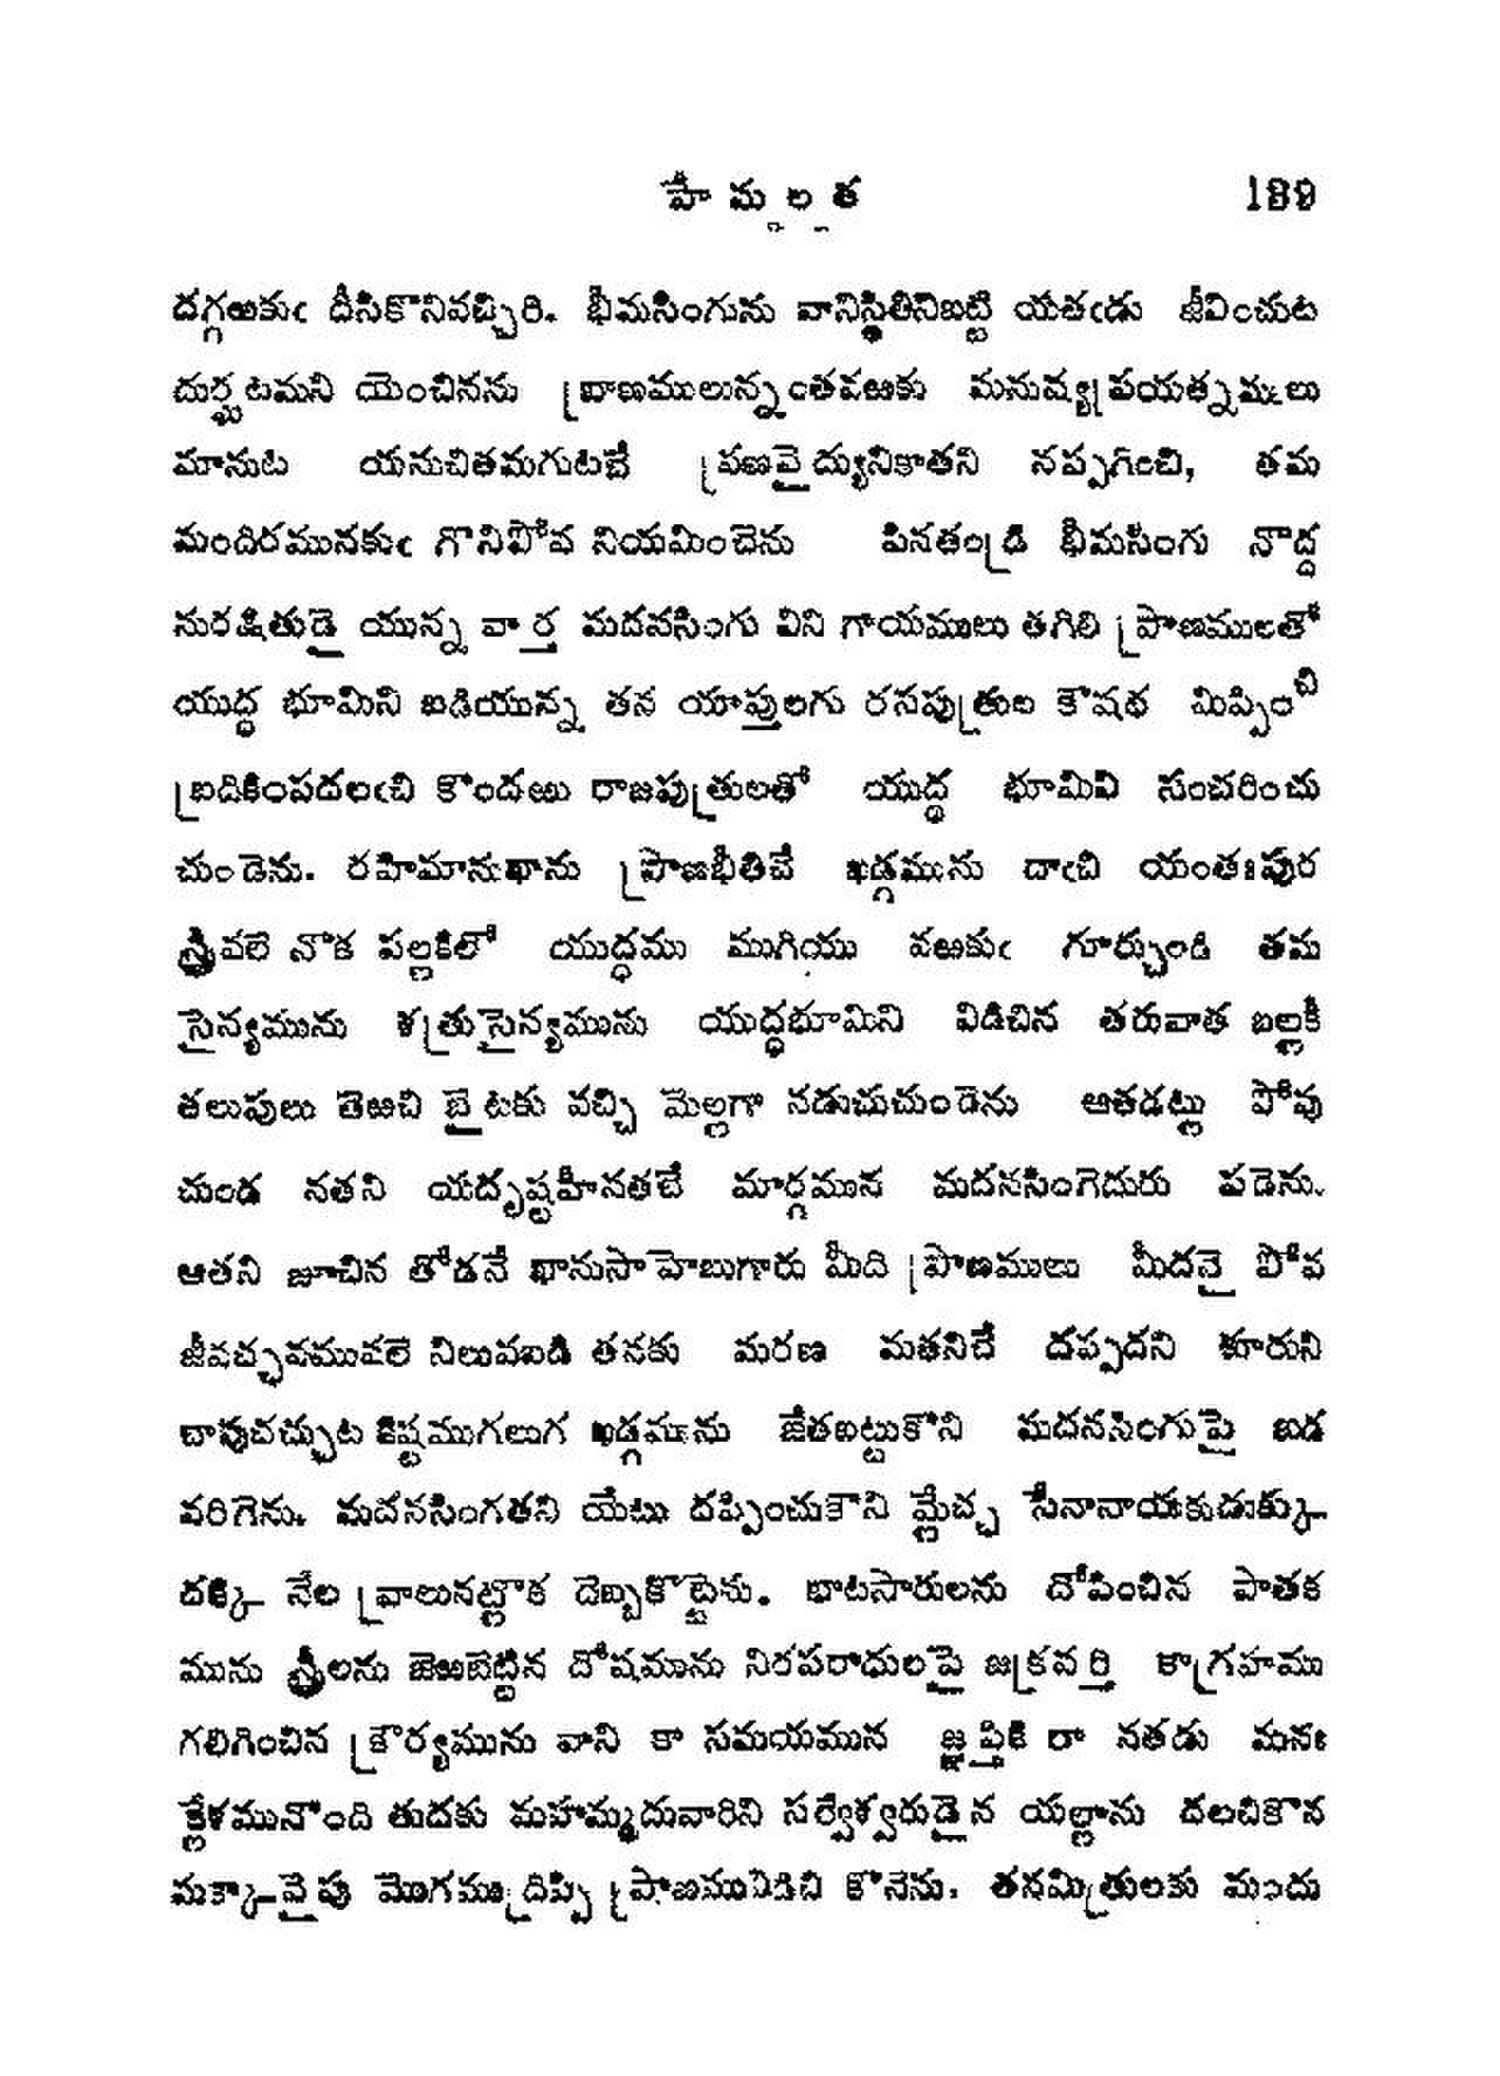దగ్గఱకుఁ దీసికొనివచ్చిరి. భీమసింగును వానిస్థితిని బట్టి యతఁడు జీవించుట దుర్ఘటమని యెంచినను బ్రాణములున్నంతవఱకు మనుష్య ప్రయత్నములు మానుట యనుచితమగుటచే వ్రణవైద్యునికాతని నప్పగించి, తమ మందిరమునకుఁ గొనిపోవ నియమించెను. పినతండ్రి భీమసింగు నొద్ద సురక్షితుడై యున్న వార్త మదనసింగు విని గాయములు తగిలి ప్రాణములతో యుద్ధ భూమిని బడియున్న తన యాప్తులగు రసపుత్రుల కౌషధ మిప్పించి బ్రదికింపదలఁచి కొందఱు రాజపుత్రులతో యుద్ధ భూమిని సంచరించు చుండెను. రహిమానుఖాను ప్రాణభీతిచే ఖడ్గమును దాఁచి యంతఃపుర స్త్రీవలె నొక పల్లకిలో యుద్ధము ముగియు వఱకుఁ గూర్చుండి తమ సైన్యమును శత్రు సైన్యమును యుద్ధభూమిని విడిచిన తరువాత బల్లకీ తలుపులు తెఱచి బైటకు వచ్చి మెల్లగా నడుచుచుండెను. అతడట్లు పోవుచుండ నతని యదృష్టహీనతచే మార్గమున మదనసింగెదురు పడెను. అతని జూచిన తోడనే ఖానుసాహెబుగారు మీది ప్రాణములు మీదనై పోవ జీవచ్ఛవమువలె నిలువబడి తనకు మరణ మతనిచే దప్పదని శూరుని చావుచచ్చుట కిష్టముగలుగ ఖడ్గమును జేతబట్టుకొని మదనసింగుపై బడ వరిగెను. మదనసింగతని యేటు దప్పించుకొని మ్లేచ్ఛ సేనానాయకుడుక్కు దక్కి నేల వ్రాలునట్లొక దెబ్బకొట్టెను. బాటసారులను దోపించిన పాతకమును స్త్రీలను జెఱబెట్టిన దోషమును నిరపరాధులపై జక్రవర్తి కాగ్రహము గలిగించిన క్రౌర్యమును వాని కా సమయమున జ్ఞప్తికి రా నతడు మనః క్లేశమునొంది తుదకు మహమ్మదువారిని సర్వేశ్వరుడైన యల్లాను దలచికొన మక్కావైపు మొగముద్రిప్పి ప్రాణమువిడిచి కొనెను. తనమిత్రులకు మందు